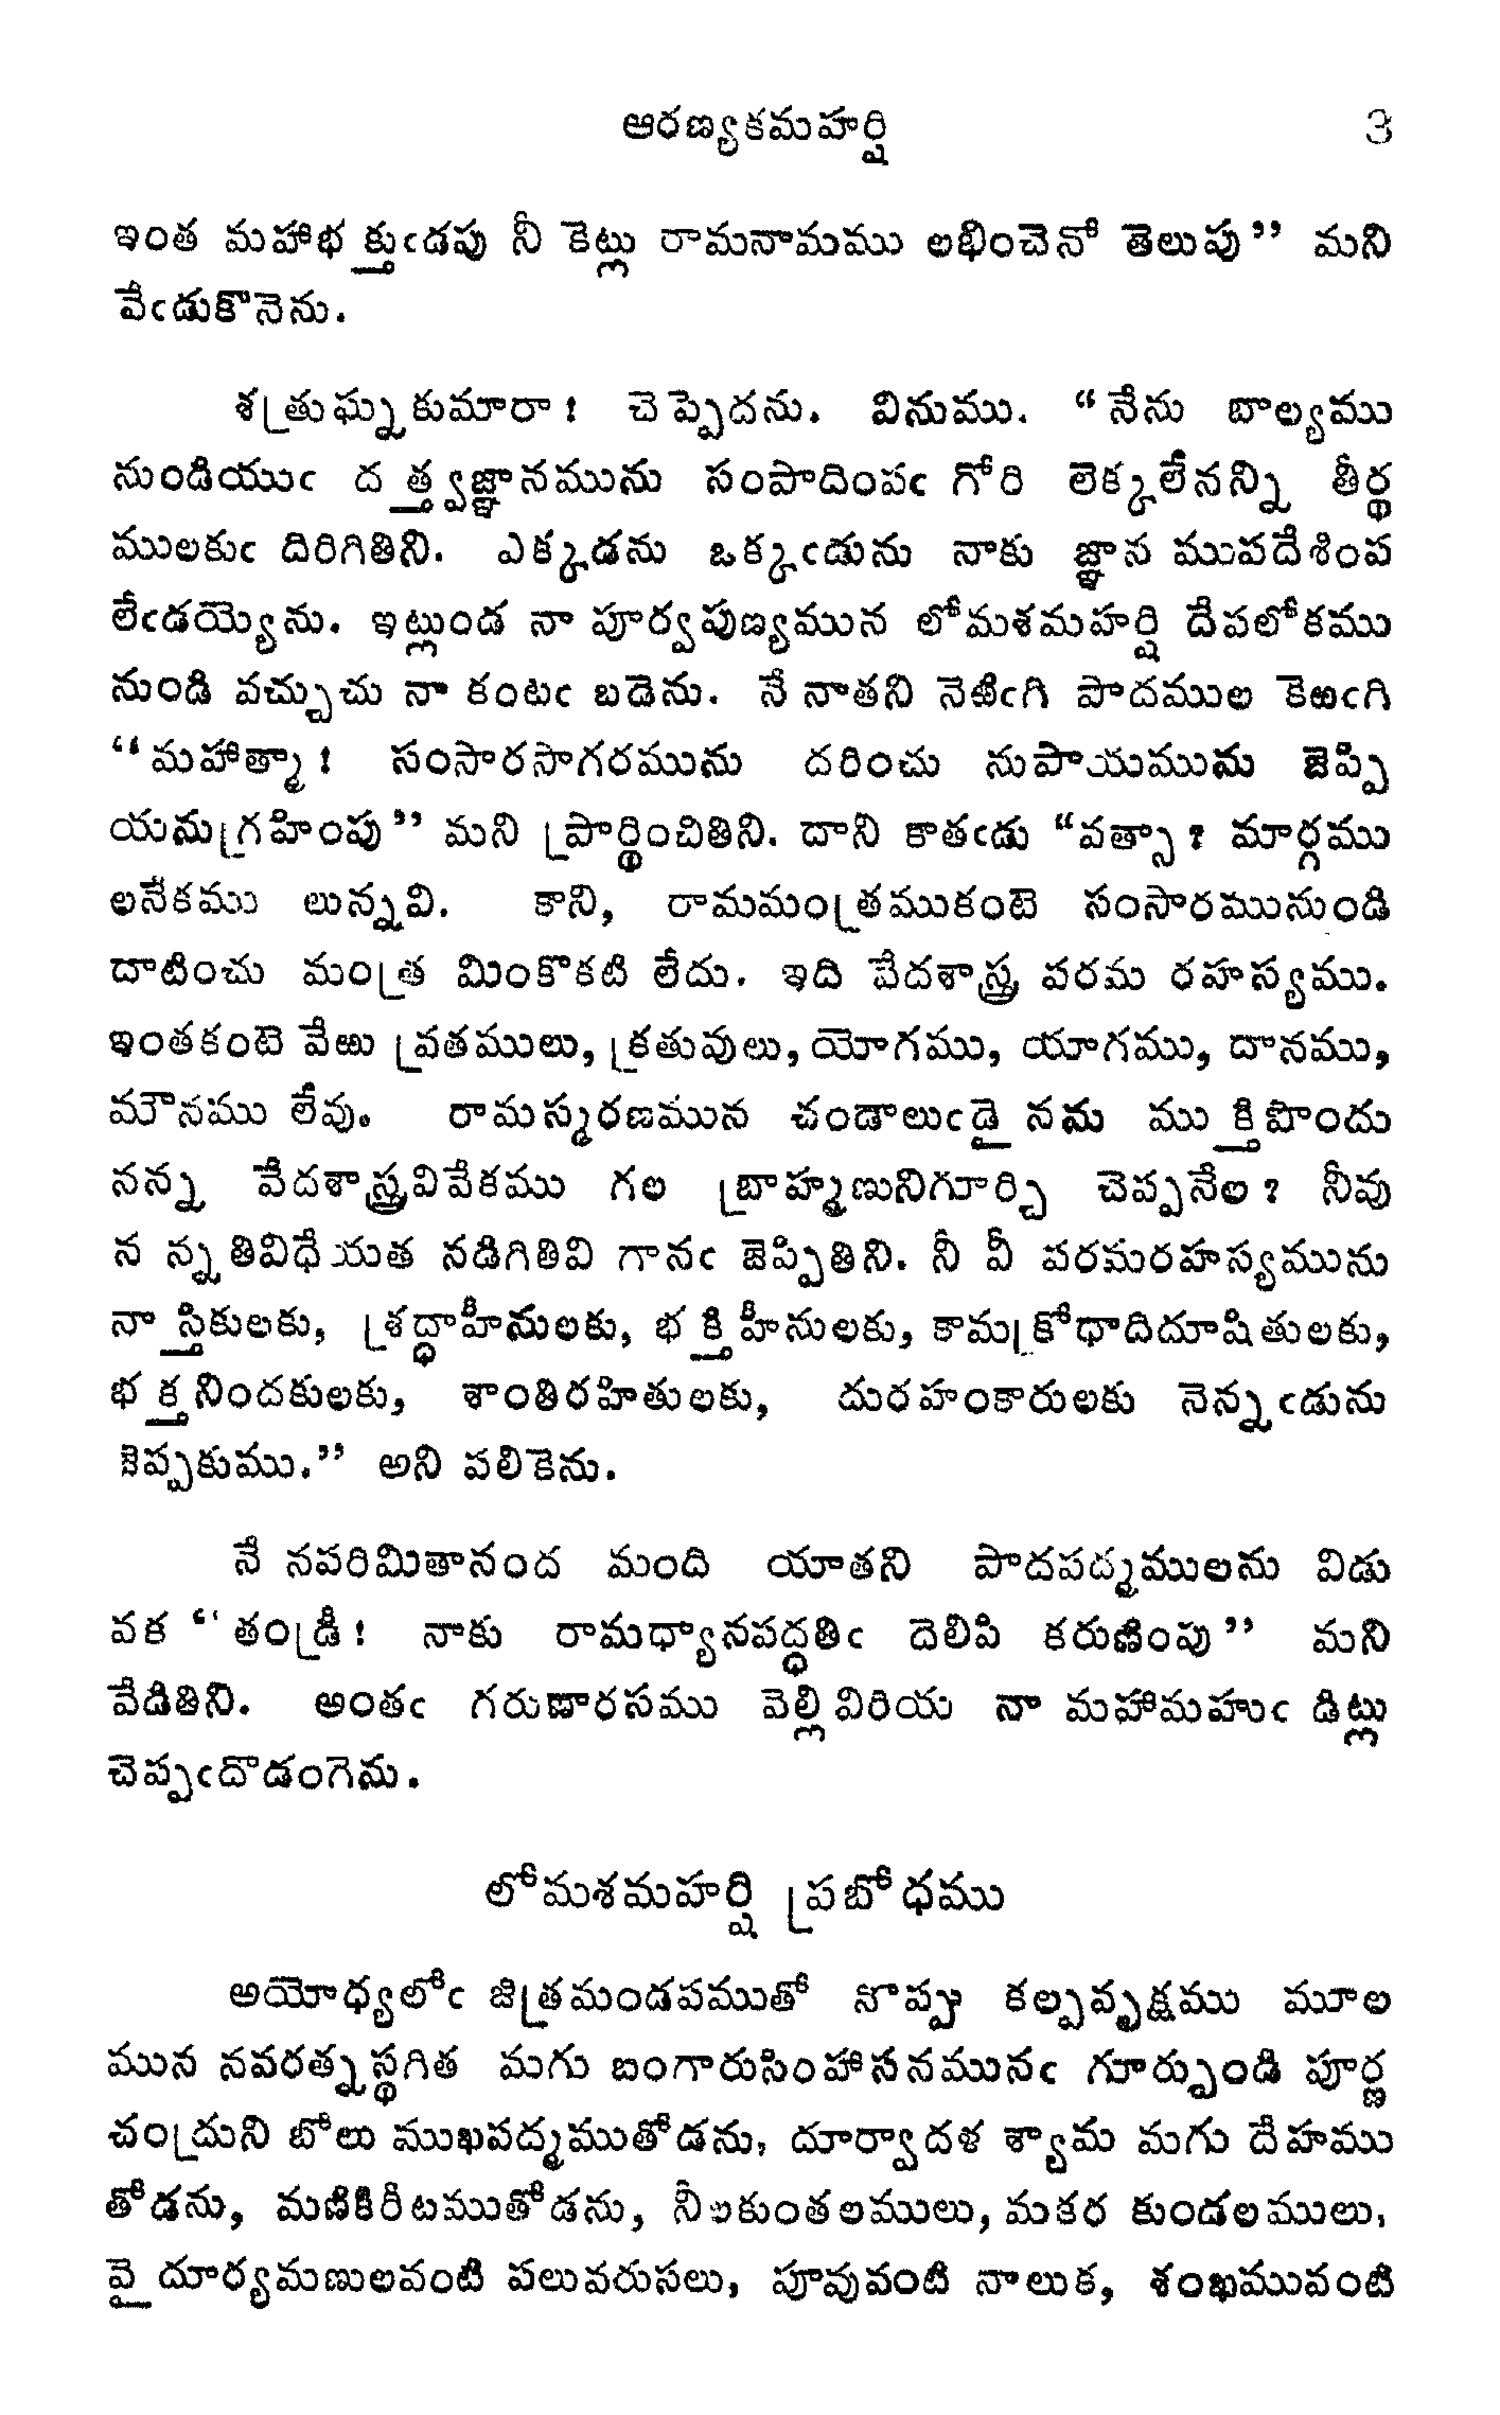ఇంత మహాభక్తుడవు నీ కెట్లు రామనామము లభించెనో తెలుపు " మని వేడుకొనెను.

శత్రుఘ్నకుమారా ! చెప్పెదను. వినుము. " నేను బాల్యము నుండియు దత్త్వజ్ఞానమును సంపాదింప గోరి లెక్కలేనన్ని తీర్థములకు దిరిగితిని. ఎక్కడను ఒక్కడును నాకు జ్ఞాన ముపదేశింప లేడయ్యెను. ఇట్లుండ నా పూర్వపుణ్యమున లోమశమహర్షి దేవలోకము నుండి వచ్చుచు నా కంట బడెను. నే నాతని నెరిగి పాదముల కెరగి " మహాత్మా ! సంసారసాగరమును దరించు నుపాయమును జెప్పి యనుగ్రహింపు " మని ప్రార్థించితిని. దాని కాతడు " వత్సా ? మార్గము లనేకము లున్నవి. కాని, రామమంత్రముకంటె సంసారమునుండి దాటించు మంత్ర మింకొకటి లేదు. ఇది వేదశాస్త్ర పరమ రహస్యము. ఇంతకంటె వేరు వ్రతములు, క్రతువులు, యోగము, యాగము, దానము, మౌనము లేవు. రామస్మరణమున చండాలుడైనను ముక్తిపొందునన్న వేదశాస్త్రవివేకము గల బ్రాహ్మణునిగూర్చి చెప్పనేల ? నీవు నన్నతి విధేయత నడిగితివి గాన జెప్పితిని. నీ వీ పరమరహస్యమును నాస్తికులకు, శ్రద్ధాహీనులకు, భక్తిహీనులకు, కామక్రోధాదిదూషితులకు, భక్తనిందకులకు, శాంతిరహితులకు, దురహంకారులకు నెన్నడును జెప్పకుము." అని పలికెను.

నే నపరిమానంద మంది యాతని పాదపద్మములను విడువక " తండ్రీ ! నాకు రామధ్యానపద్ధతి దెలిపి కరుణింపు " మని వేడితిని. అంత గరుణారసము వెల్లివిరియ నా మహామహు డిట్లు చెప్పదొడగెను.

అయోధ్యలో జిత్రమండపముతో నొప్పు కల్పవృక్షము మూలమున నవరత్నస్థగిత మగు బంగారుసింహాసనమున గూర్చుండి పూర్ణచంద్రుని బోలు ముఖపద్మముతోడను, దూర్వాదళ శ్యామ మగు దేహము తోడను, మణికిరీటముతోడను, నీలకుంతలములు, మకర కుండలములు, వైదూర్యమణులవంటి పలువరుసలు, పూవువంటి నాలుక, శంఖమువంటి